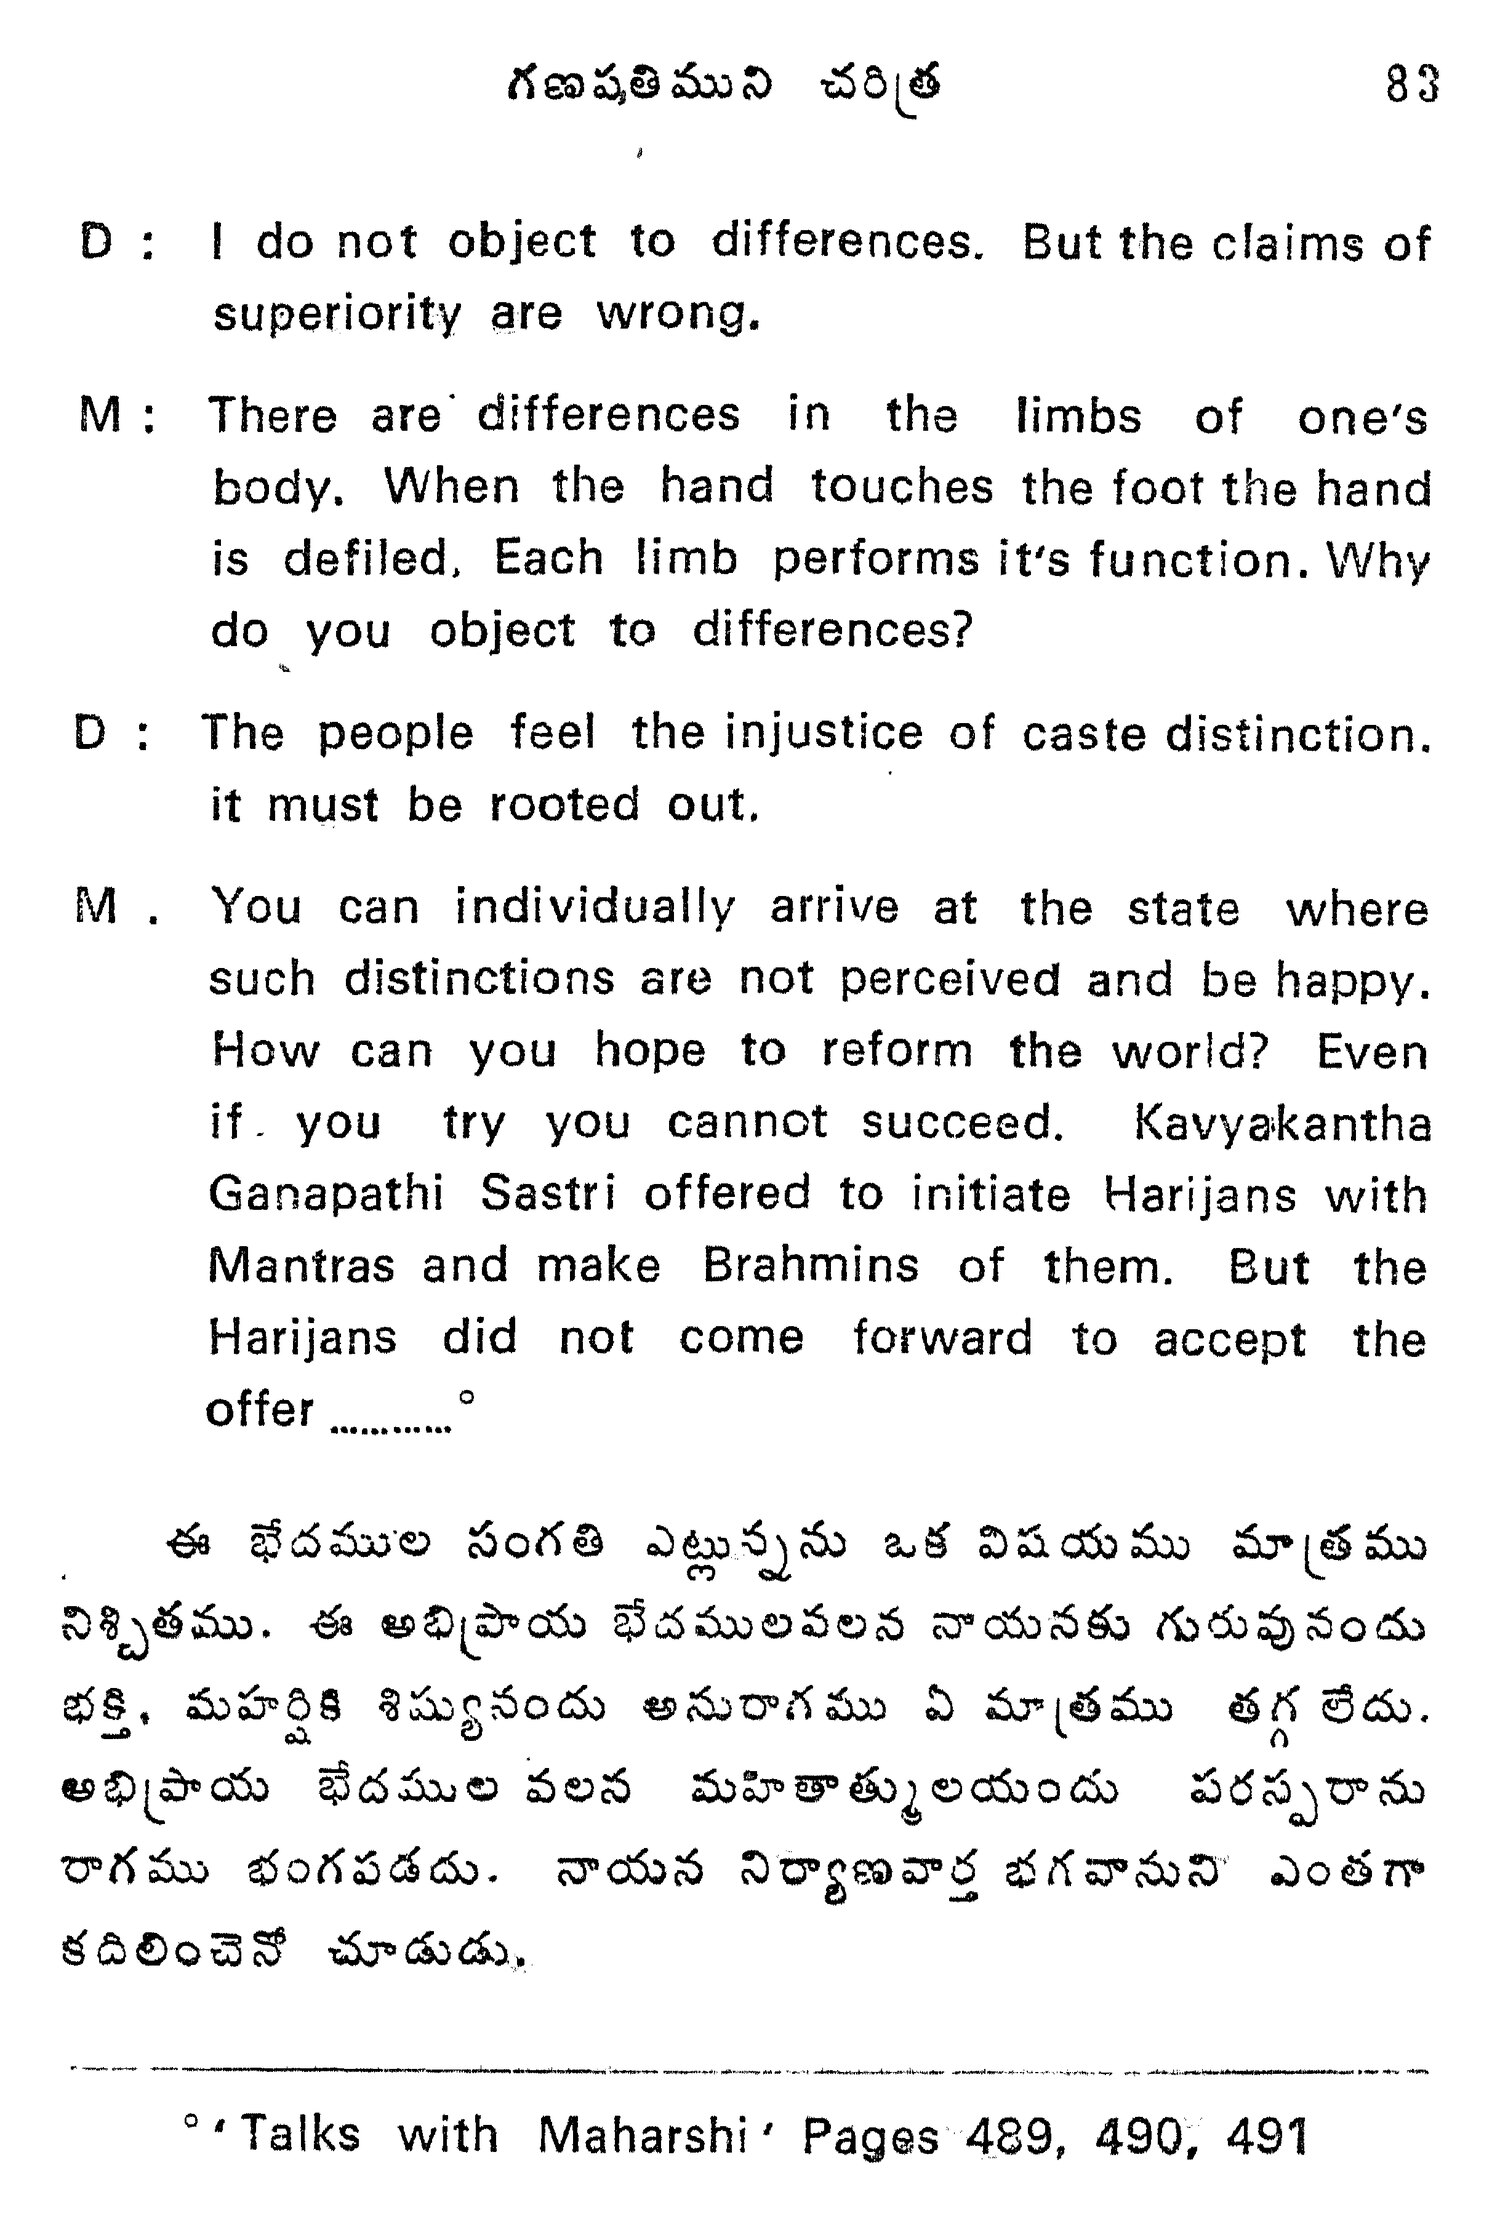D: I do not object to differences. But the claims of superiority are wrong.

M: There are differences in the limbs of one's body. When the hand touches the foot the hand is defiled. Each limb performs it's function. Why do you object to differences?

D: The people feel the injustice of caste distinction, it must be rooted out.

M: You can individually arrive at the state where such distinctions are not perceived and be happy. How can you hope to reform the world? Even if you try you cannot succeed. Kavyakantha Ganapathi Sastri offered to initiate Harijans with Mantras and make Brahmins of them. But the Harijans did not come forward to accept the offer......*

ఈ భేదముల సంగతి ఎట్లున్నను ఒక విషయము మాత్రము నిశ్చితము. ఈ అభిప్రాయ భేదములవలన నాయనకు గురువునందు భక్తి, మహర్షికి శిష్యునందు అనురాగము ఏ మాత్రము తగ్గ లేదు. అభిప్రాయ భేదముల వలన మహితాత్ములయందు పరస్పరాను రాగము భంగపడదు. నాయన నిర్యాణవార్త భగవానుని ఎంతగా కదిలించెనో చూడుడు.